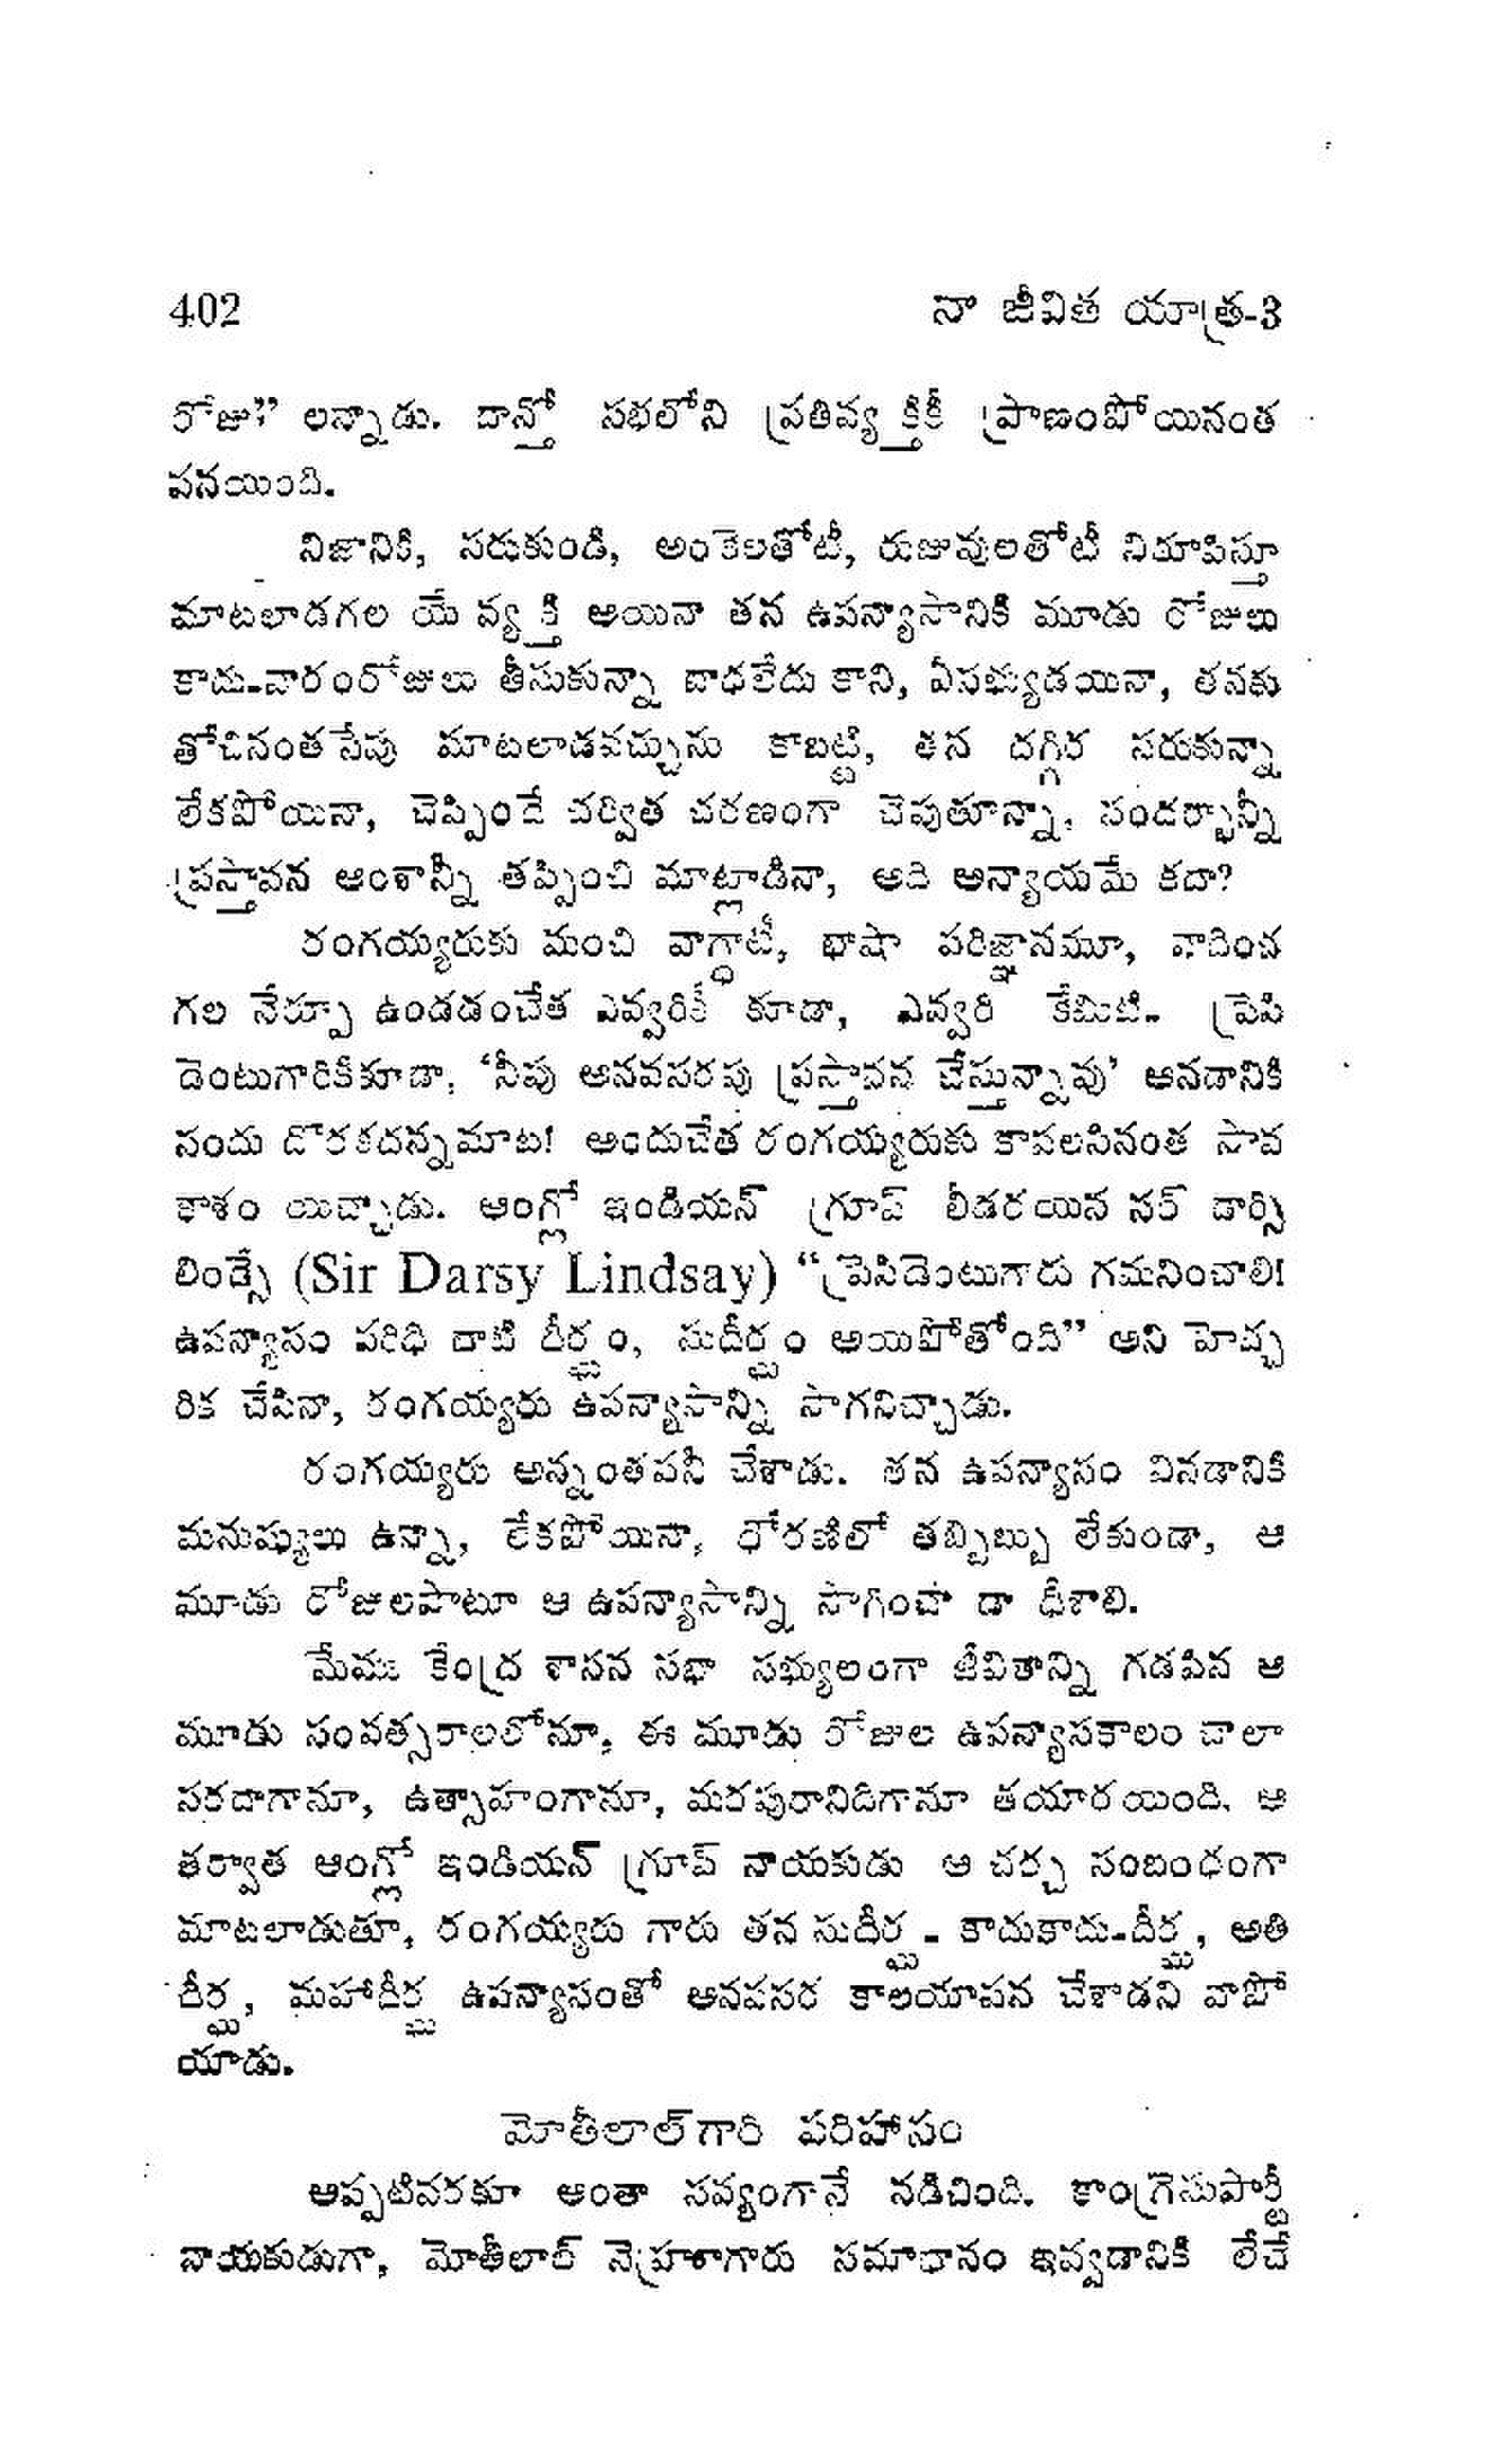రోజు" లన్నాడు. దాన్తో సభలోని ప్రతివ్యక్తికి ప్రాణంపోయి నంత పనయింది.

నిజానికి, సరుకుండి, అంకెలతోటీ, రుజువులతోటీ నిరూపిస్తూ మాటలాడగల యే వ్యక్తి అయినా తన ఉపన్యాసానికి మూడు రోజులు కాదు - వారంరోజులు తీసుకున్నా బాధలేదు కాని, ఏసభ్యుడయినా, తనకు తోచినంతసేపు మాటలాడ వచ్చును కాబట్టి, తన దగ్గిర సరుకున్నా లేకపోయినా, చెప్పిందే చర్విత చరణంగా చెపుతూన్నా, సందర్భాన్నీ ప్రస్తావన అంశాన్నీ తప్పించి మాట్లాడినా, అది అన్యాయమే కదా?

రంగయ్యరుకు మంచి వాగ్ధాటీ, భాషా పరిజ్ఞానమూ, వాదించగల నేర్పూ ఉండడంచేత ఎవ్వరికీ కూడా, ఎవ్వరి కేమిటి - ప్రెసిడెంటుగారికి కూడా, 'నీవు అనవసరపు ప్రస్తావన చేస్తున్నావు' అనడానికి సందు దొరకదన్నమాట! అందుచేత రంగయ్యరుకు కావలసినంత సావకాశం యిచ్చాడు. ఆంగ్లో ఇండియన్ గ్రూప్ లీడరయిన సర్ డార్సి లిండ్సే (Sir Darsy Lindsay) "ప్రెసిడెంటుగారు గమనించాలి! ఉపన్యాసం పరిధి దాటి దీర్ఘం, సుదీర్ఘం అయిపోతోంది" అని హెచ్చరిక చేసినా, రంగయ్యరు ఉపన్యాసాన్ని సాగనిచ్చాడు.

రంగయ్యరు అన్నంతపనీ చేశాడు. తన ఉపన్యాసం వినడానికి మనుష్యులు ఉన్నా, లేకపోయినా, ధోరణిలో తబ్బిబ్బు లేకుండా, ఆ మూడు రోజులపాటూ ఆ ఉపన్యాసాన్ని సాగించా డా ధీశాలి.

మేము కేంద్ర శాసన సభా సభ్యులంగా జీవితాన్ని గడపిన ఆ మూడు సంవత్సరాలలోనూ, ఈ మూడు రోజుల ఉపన్యాసకాలం చాలా సరదాగానూ, ఉత్సాహంగానూ, మరపురానిదిగానూ తయారయింది. ఆ తర్వాత ఆంగ్లో ఇండియన్ గ్రూప్ నాయకుడు ఆ చర్చ సంబంధంగా మాటలాడుతూ, రంగయ్యరు గారు తన సుదీర్ఘ - కాదుకాదు - దీర్ఘ, అతి దీర్ఘ, మహాదీర్ఘ ఉపన్యాసంతో అనవసర కాలయాపన చేశాడని వాపోయాడు.

అప్పటివరకూ అంతా సవ్యంగానే నడిచింది. కాంగ్రెసుపార్టీ నాయకుడుగా, మోతీలాల్ నెహ్రూగారు సమాధానం ఇవ్వడానికి లేచే